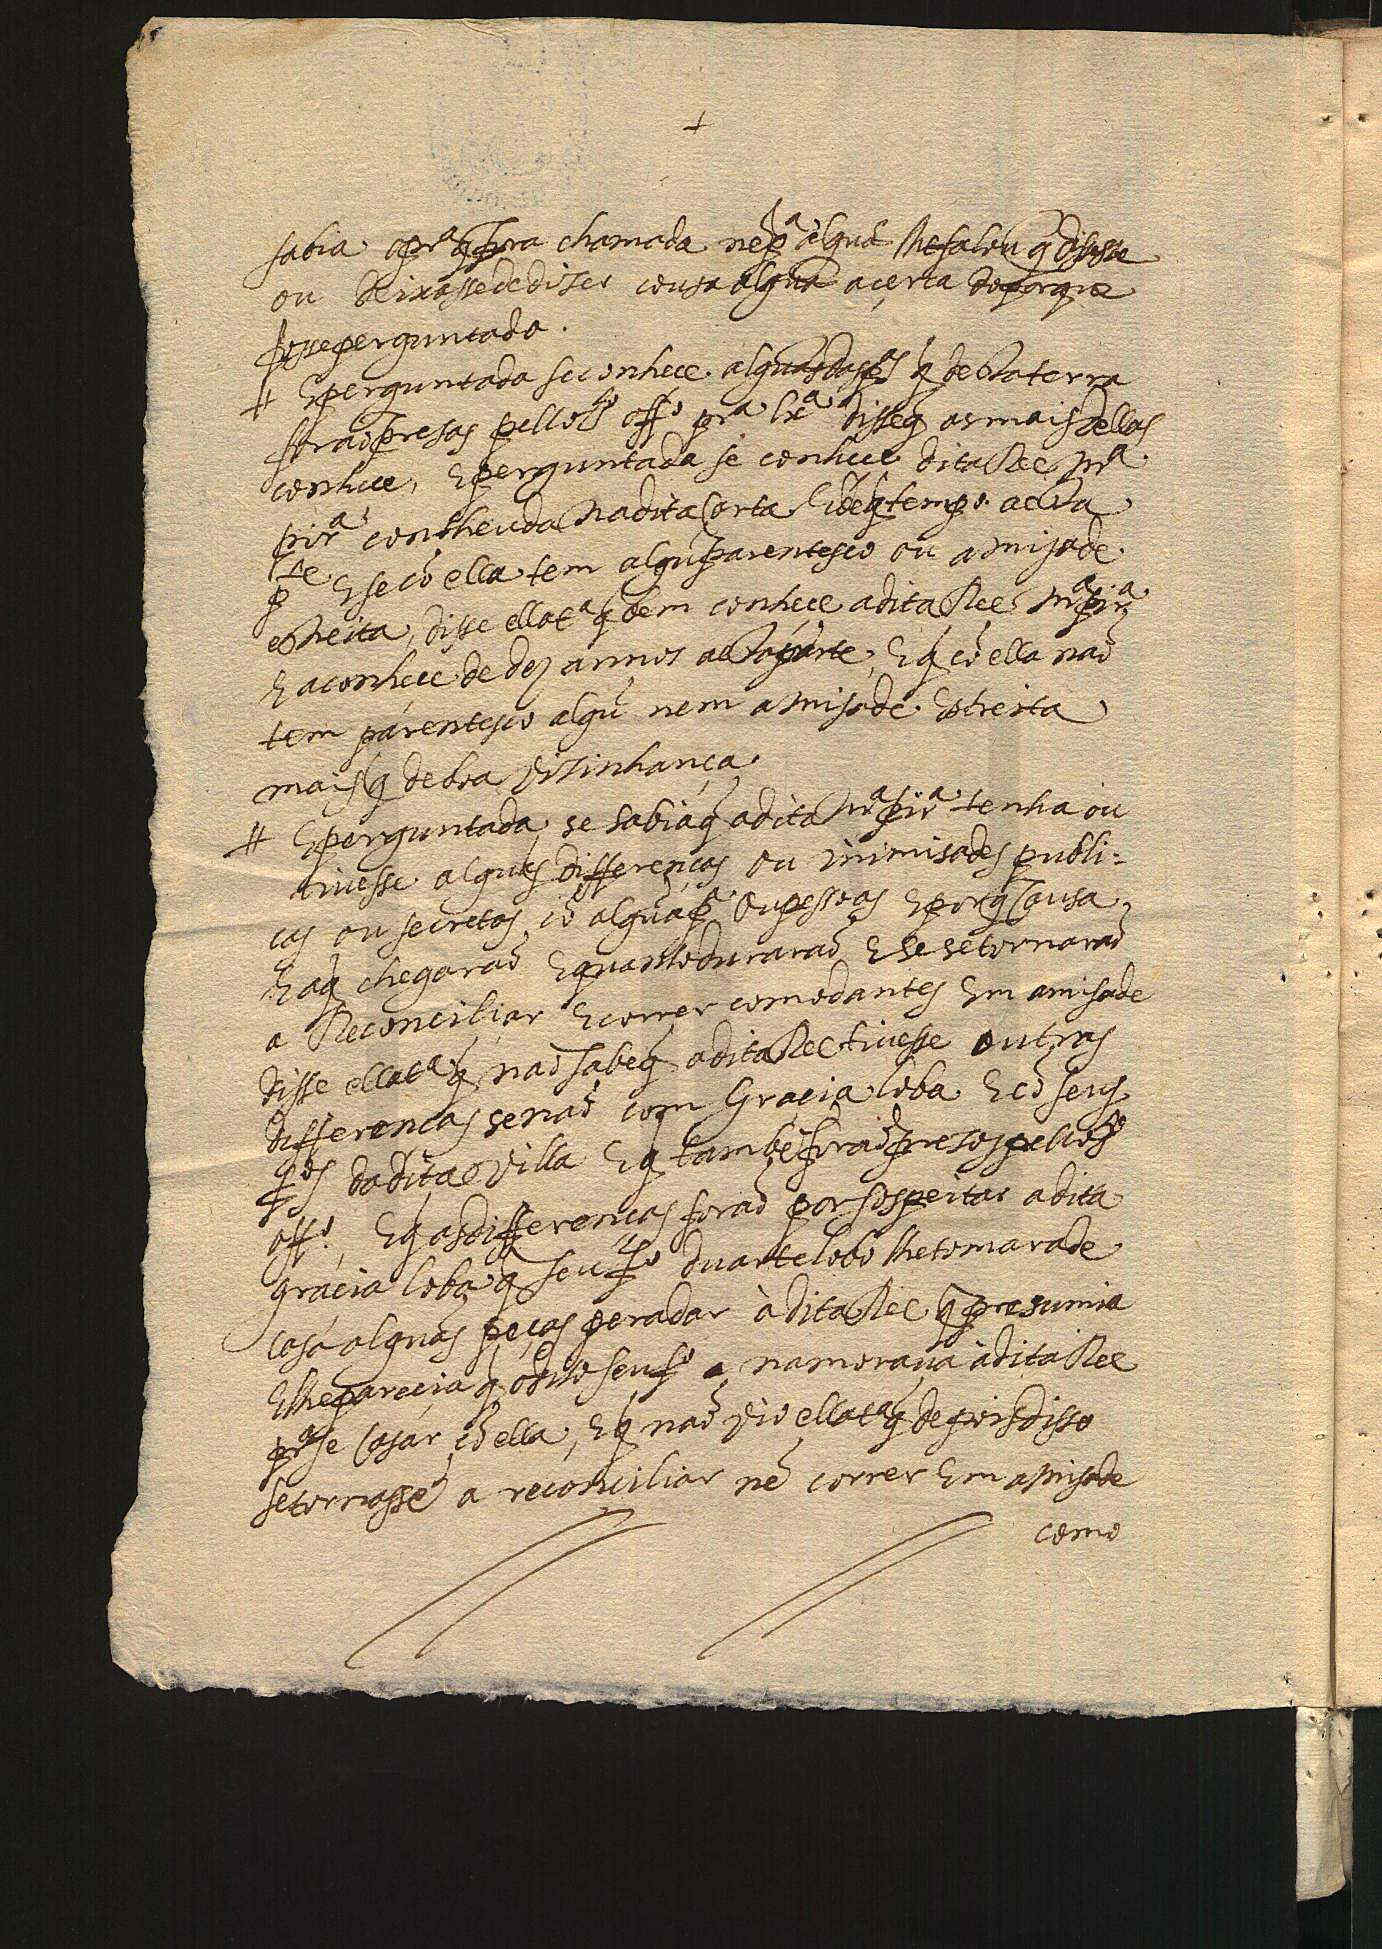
sabia o pra q̄ fora chamada nē pa alguā lhe falou q̄ dissesse
ou deixasse de dizer cousa alguā açerca do porque
fosse perguntada.
item E perguntada se conheçe alguās das pas q̄ desta terra
foraõ presas pello sto offo pra lxa disse q̄ as mais dellas
conheçe, E perguntada se conheçe dita Ree ma
pira contheuda na dita Carta. E de q̄ tempo. a esta
pte E se cō ella tem algū parentesco ou amisade
estreita, disse ella ta q̄ bem conheçe a dita Ree ma pira
E a conheçe de des annos a esta parte, E q̄ cō ella naõ
tem parentesco algū nem amisade. Estreita
mais q̄ de boa vizinhança
item E perguntada se sabia q̄ a dita ma pira tenha ou
tiuesse alguās differenças ou inimisades publi
cas ou secretas cō algūa pa ou pessoas E por q̄ Causa
E a q̄ chegaraõ E quanto duraraõ E se se tornaraõ
a Reconciliar E correr como dantes Em amisade
disse ella ta q̄ naõ sabe q̄ a dita Ree tiuesse outras
differenças senaõ com Graçia loba E cō seus
fos da dita e villa E q̄ tambē foraõ prezos pello sto
offo., E q̄ as differenças foraõ por sospeitas a dita
graçia loba q̄ seu fo duarte lobo lhe tomara de
casa alguās peças pera dar à dita Ree q̄ presumia
E lhe pareçia q̄ o dito seu fo a namoraua à dita Ree
pra se casar cō ella, E q̄ naõ vio ella ta q̄ depois disso
se tornassē a reconçiliar nē correr Em amisade
como
